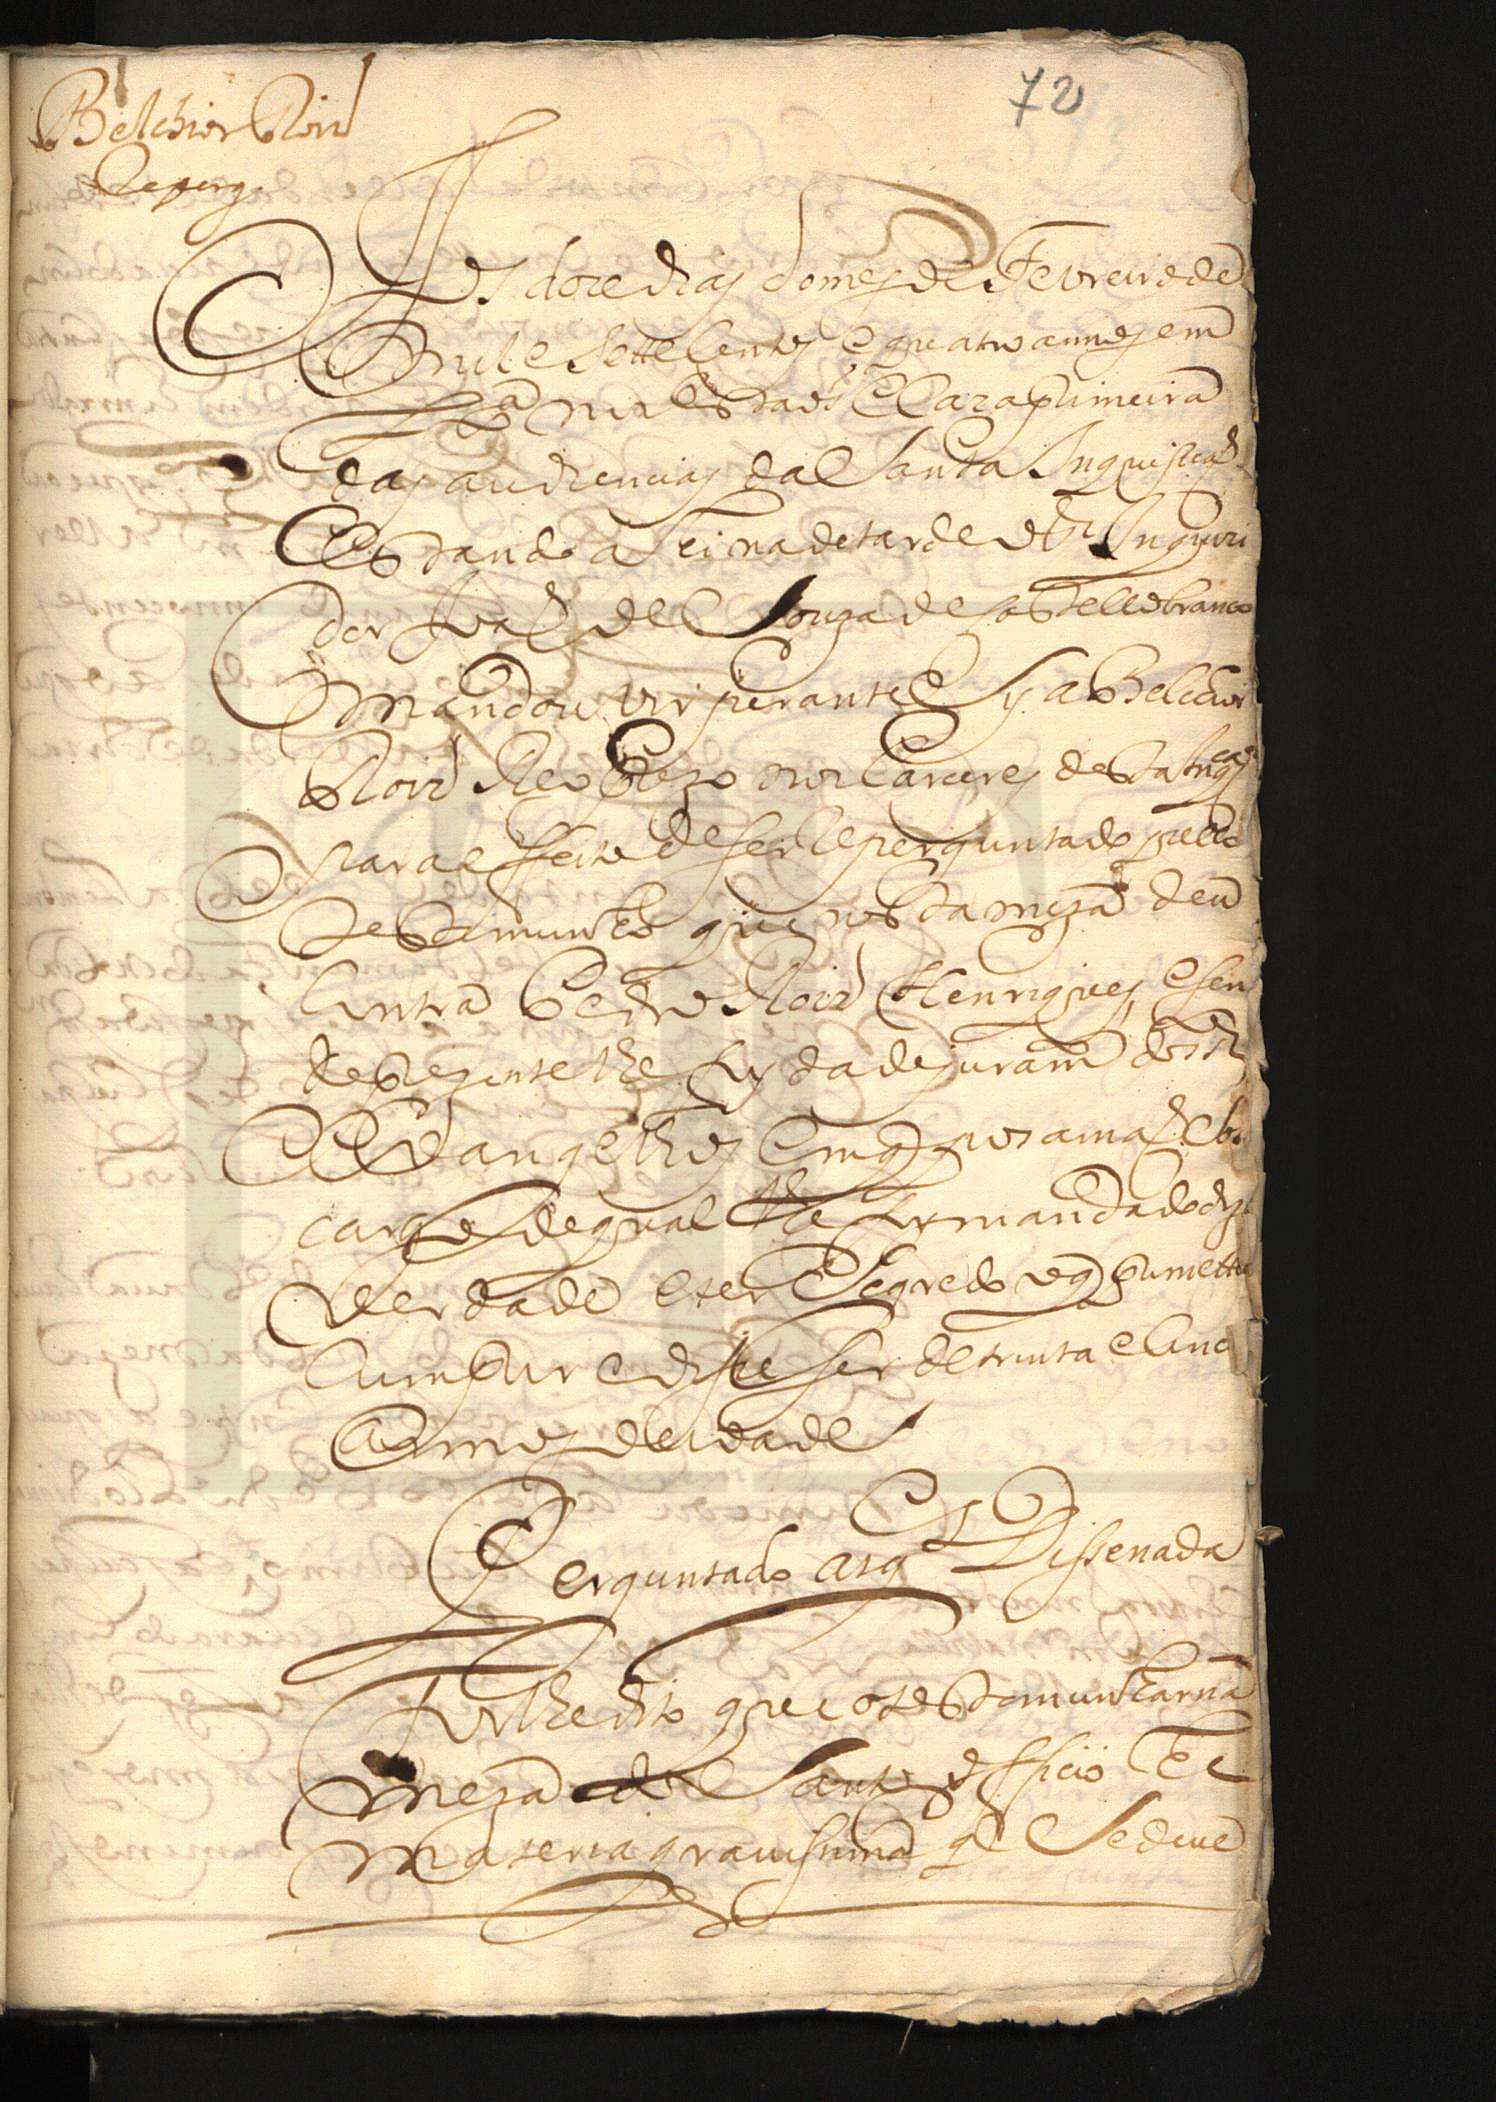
Belchior Roiz̄
Reperg.
Aos doze dias do mes de Fevreiro de
mil e setteCentos e quatro annos em
Lxa nos Estaós E Caza primeira
das audiencias da Santa Inquisicaõ
E estando ahi na de tarde o sor Inquizi
dor Joaõ de Souza de Castello branco
mandou vir perante Sy a Belchior
Roiz̄ Reo prezo nos Carceres desta Inqca_
para effeito de ser Reperguntado pello
testemunho que nesta meza deu
Contra Pedro Roiz̄ Henriques, e sen
do prezente lhe foy dado juramento dos stos
evangelhos em q̄ pos a maõ so
cargo do qual lhe foy mandado diz
verdade e ter Segredo o q̄ promett
Cumprir e disse ser de trinta e Cinc
annos de idade
Perguntado as qes Disse nada
Foilhe dito que o testemunhar na
mesa do Santo officio he
materia grauissima q̄ Se deue
